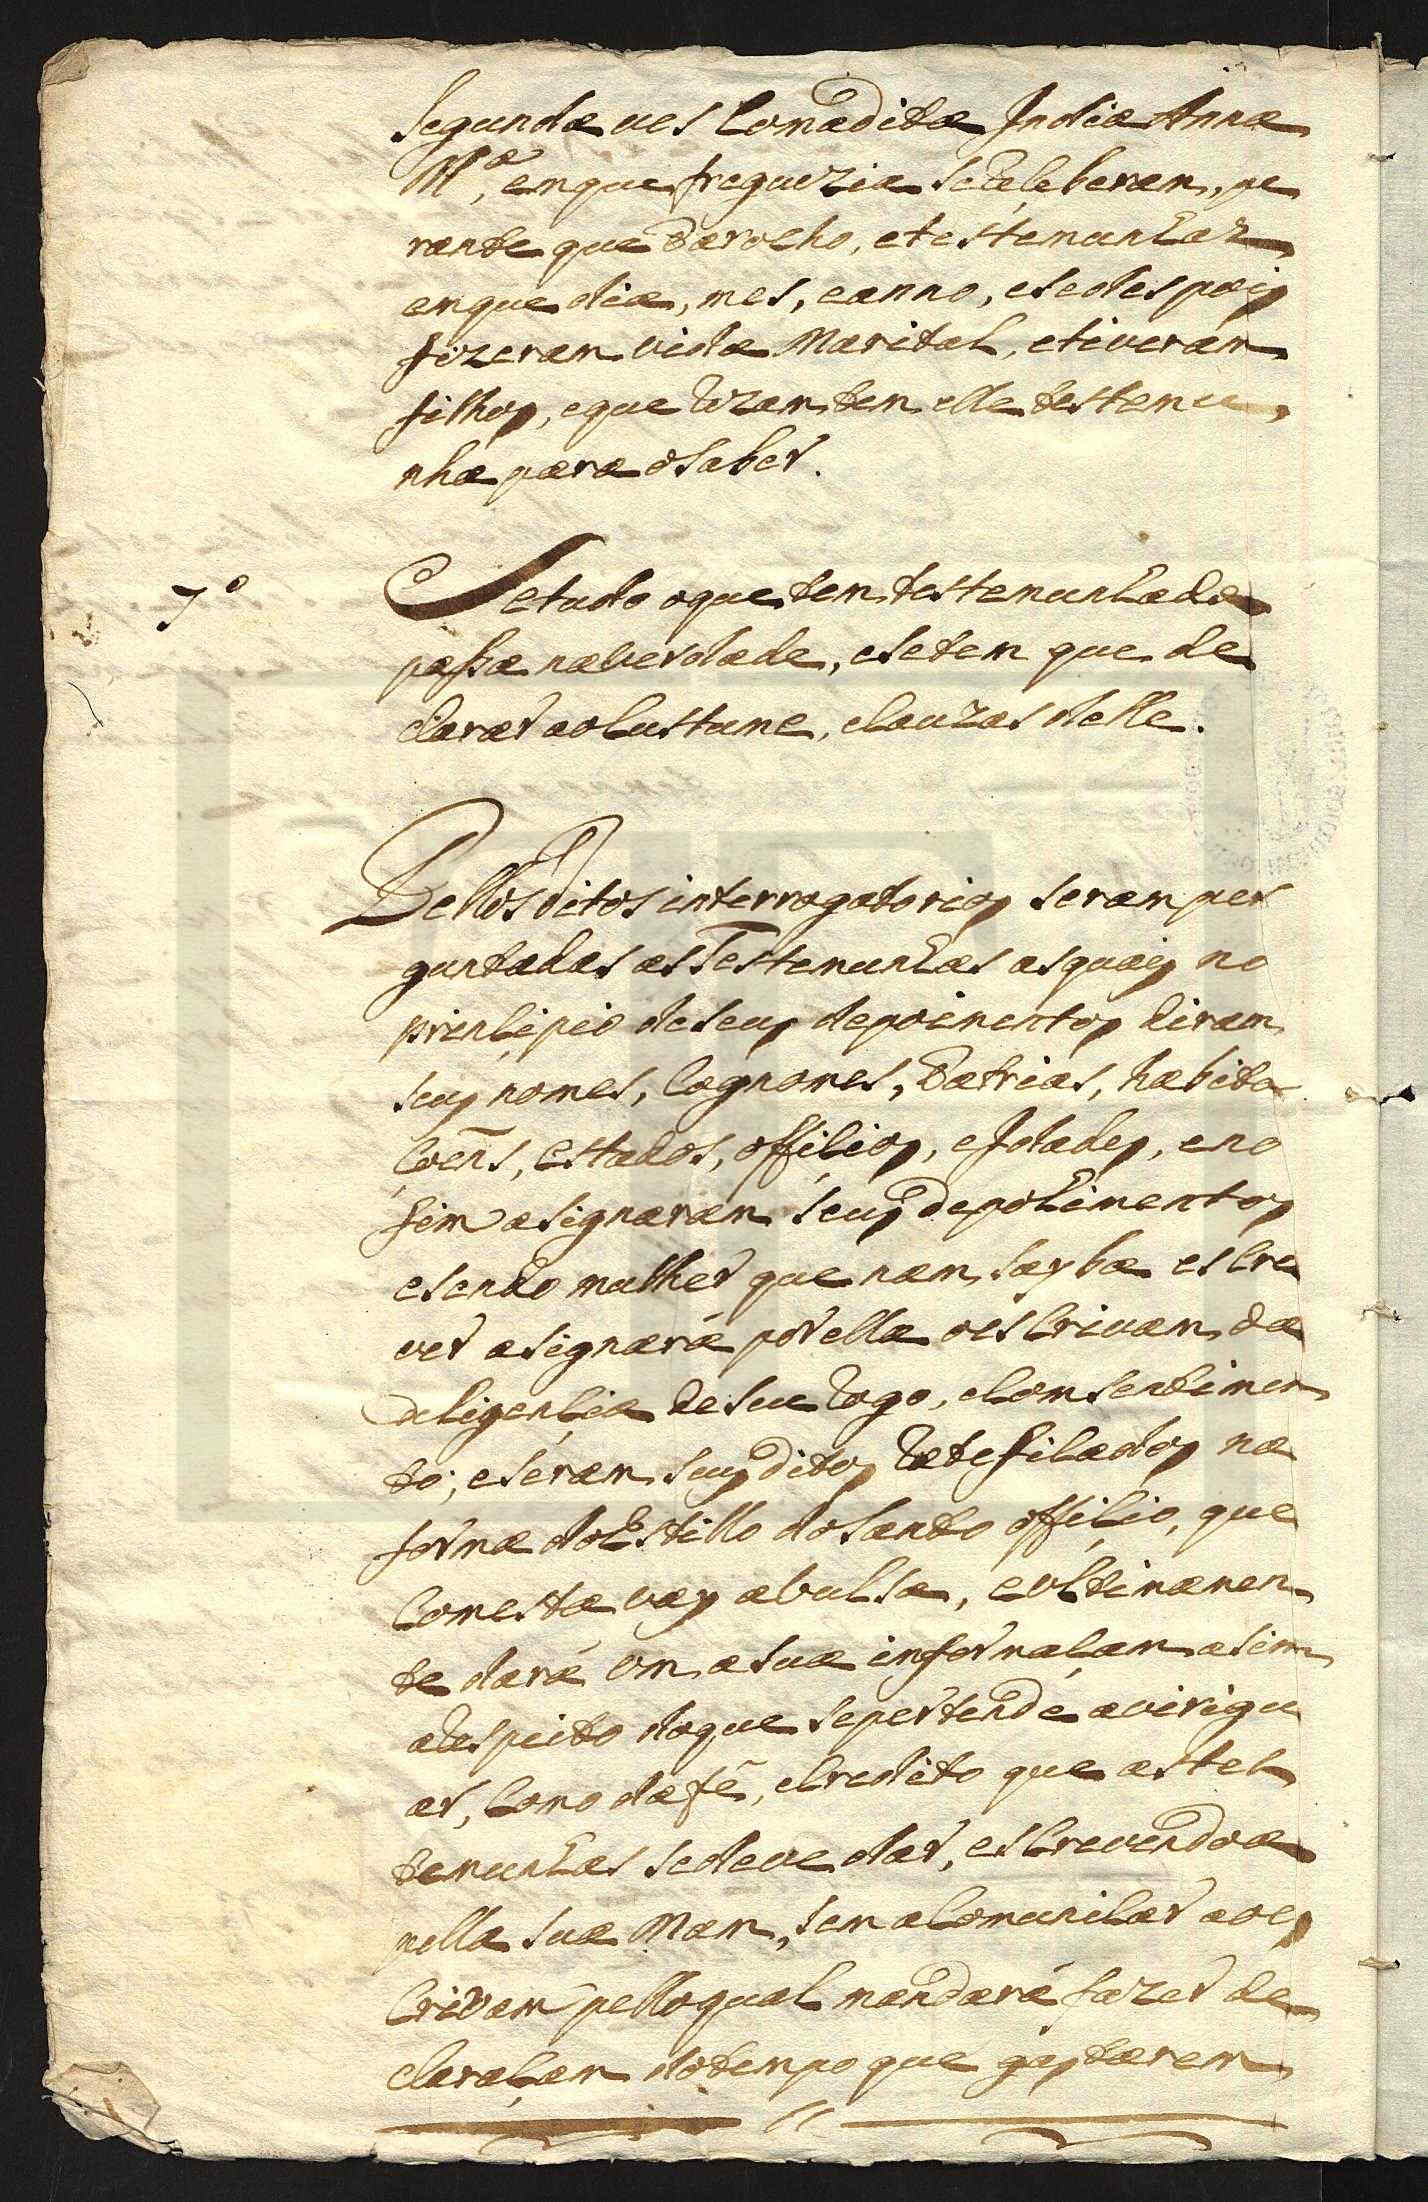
7o
segunda ues Com a dita Jndia Anna
M.a, em que freguezia se ReCeberam, pe
rante que Parocho, e testemunhaz
em que dia, mes, e anno, e se despois
fizeram vida marital, e tiveram
filhos, e que Rezam tem elle testemu
nha para o saber.
Se tudo o que tem testemunhado
passa na verdade, e se tem que de
clarar ao Custume, e Couzas delle.
Pellos ditos interrogatorios seram per
guntadas as testemunhas as quais no
prinCipio de seus depoimentos diram
seus nomes, Cognomes, Patrias, habita
Çoen̄s, estados, offiCios, e Jdades, e no
fim asignaram seus depohimentos
e sendo mulher que nam sayba esCre
ver asignará por ella o esCriuam da
deligenCia de seu Rogo, e Comsentimen
to; e seram seus ditos RatefiCados na
forma do Estillo do Santo offiCio, que
com esta vay avulsa, e ultimamen
te dará vm a sua informaÇam asim
a Respeito do que se pertende avirigu
ar, Como da fé, e Credito que as tes
temunhas se deve dar, esCrevendoa
pella sua mam, sem a ComuniCar ao es
Crivam pello qual mandará fazer de
claraÇam do tempo que gastarem
